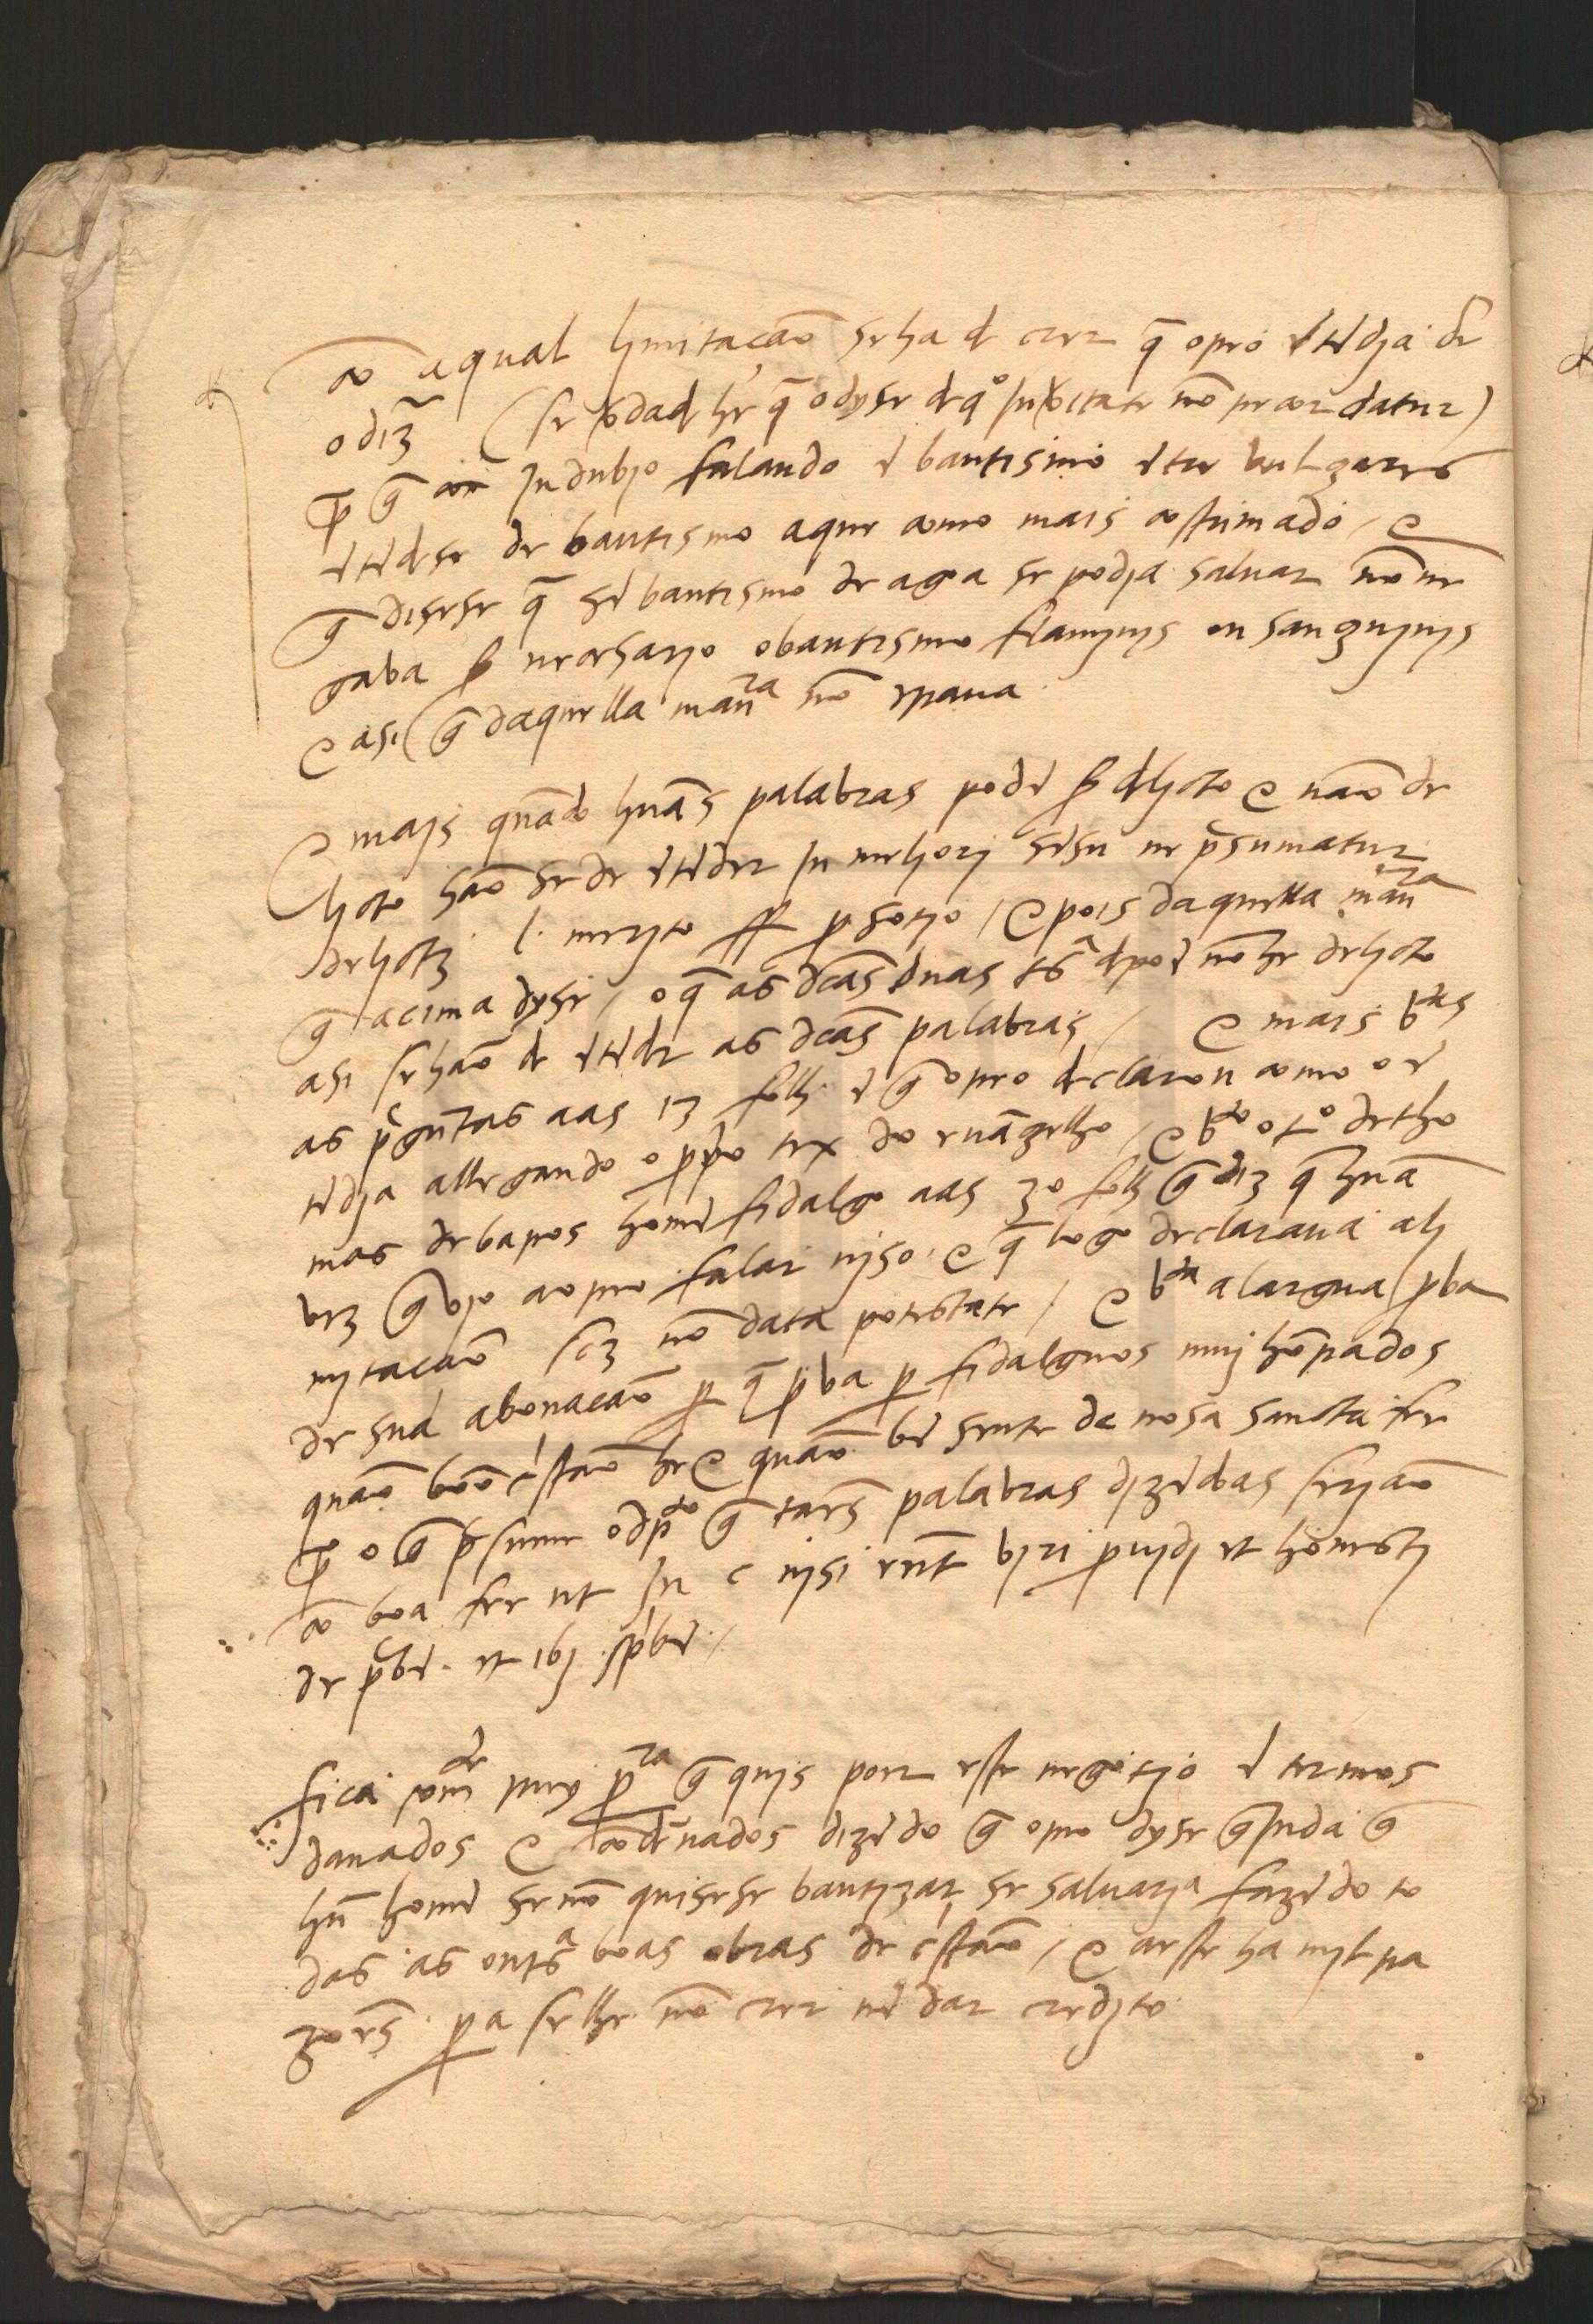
c̄o a qual ljmitação Se ha de crer q̄ o reo ētēdja de
o diz̄ (se ꝟdade he q̄ o dyse de qo Jn ꝟitate n̄o recordatur)
p̄ q̄ _ Jn dubjo falando ē bautismo ētre vulgares
ētēdese de bautismo a que como mais costumado / e
q̄ disese q̄ sē bautismo de agoa se podja saluar n̄o ne
gava ꞩ neceSarjo o bautismo flamjnjs ou Sangujnjs
e asi q̄ daquella manra nō eraua
e majs quādo huās palavras podē ꞩ deljcto e não de
ljcto São se de ētēder Jn meljorj sēsu ne p̄sumatur
deljctz l. merjto ff ꝓsotjo / e pois daquella manra
q̄ acima dyse / o q̄ as dc̄as duas tsa depoē nō he deljcto
asi se hão de ētēder as dcās palavras / e mais vtas
as p̄gūtas aas 13 folh ē q̄ o reo declarou como o ē
tēdja allegando o ꝓpio tex do euāgelho / e vto o to de tho
mas de baros homē fidalgo aas 30 folh q̄ diz q̄ huā
vez q̄ vjo ao reo falar njso. e q̄ logo declaraua alj
mjtação scz nō data potestate / e vta a largua ꝓva
de sua abonação ꝑ q̄ ꝓva ꝑ fidalguos muj hōrados
quão boō cistão he e quão bē sente de nosa Sancta fee
p̄o o q̄ p̄sume o drto q̄ taēs palavras djzēdoas serjão
c̄o boa fee ut Jn c njsi erīt vjri ꝓujdj et honestj
de p̄be. et ibj spibē ./
fica somte ruy ꝑra q̄ qujs poer este negotjo ē termos
danados e c̄odēnados dizēdo q̄ o reo dyse q̄ Jnda q̄
hū homē Se nō quiseSe bautjzar Se Saluarja fazēdo to
das as outsa boas obras de cistão / e a este ha mjl ra
zões ꝑa se lhe n̄o crer nē dar credjto
